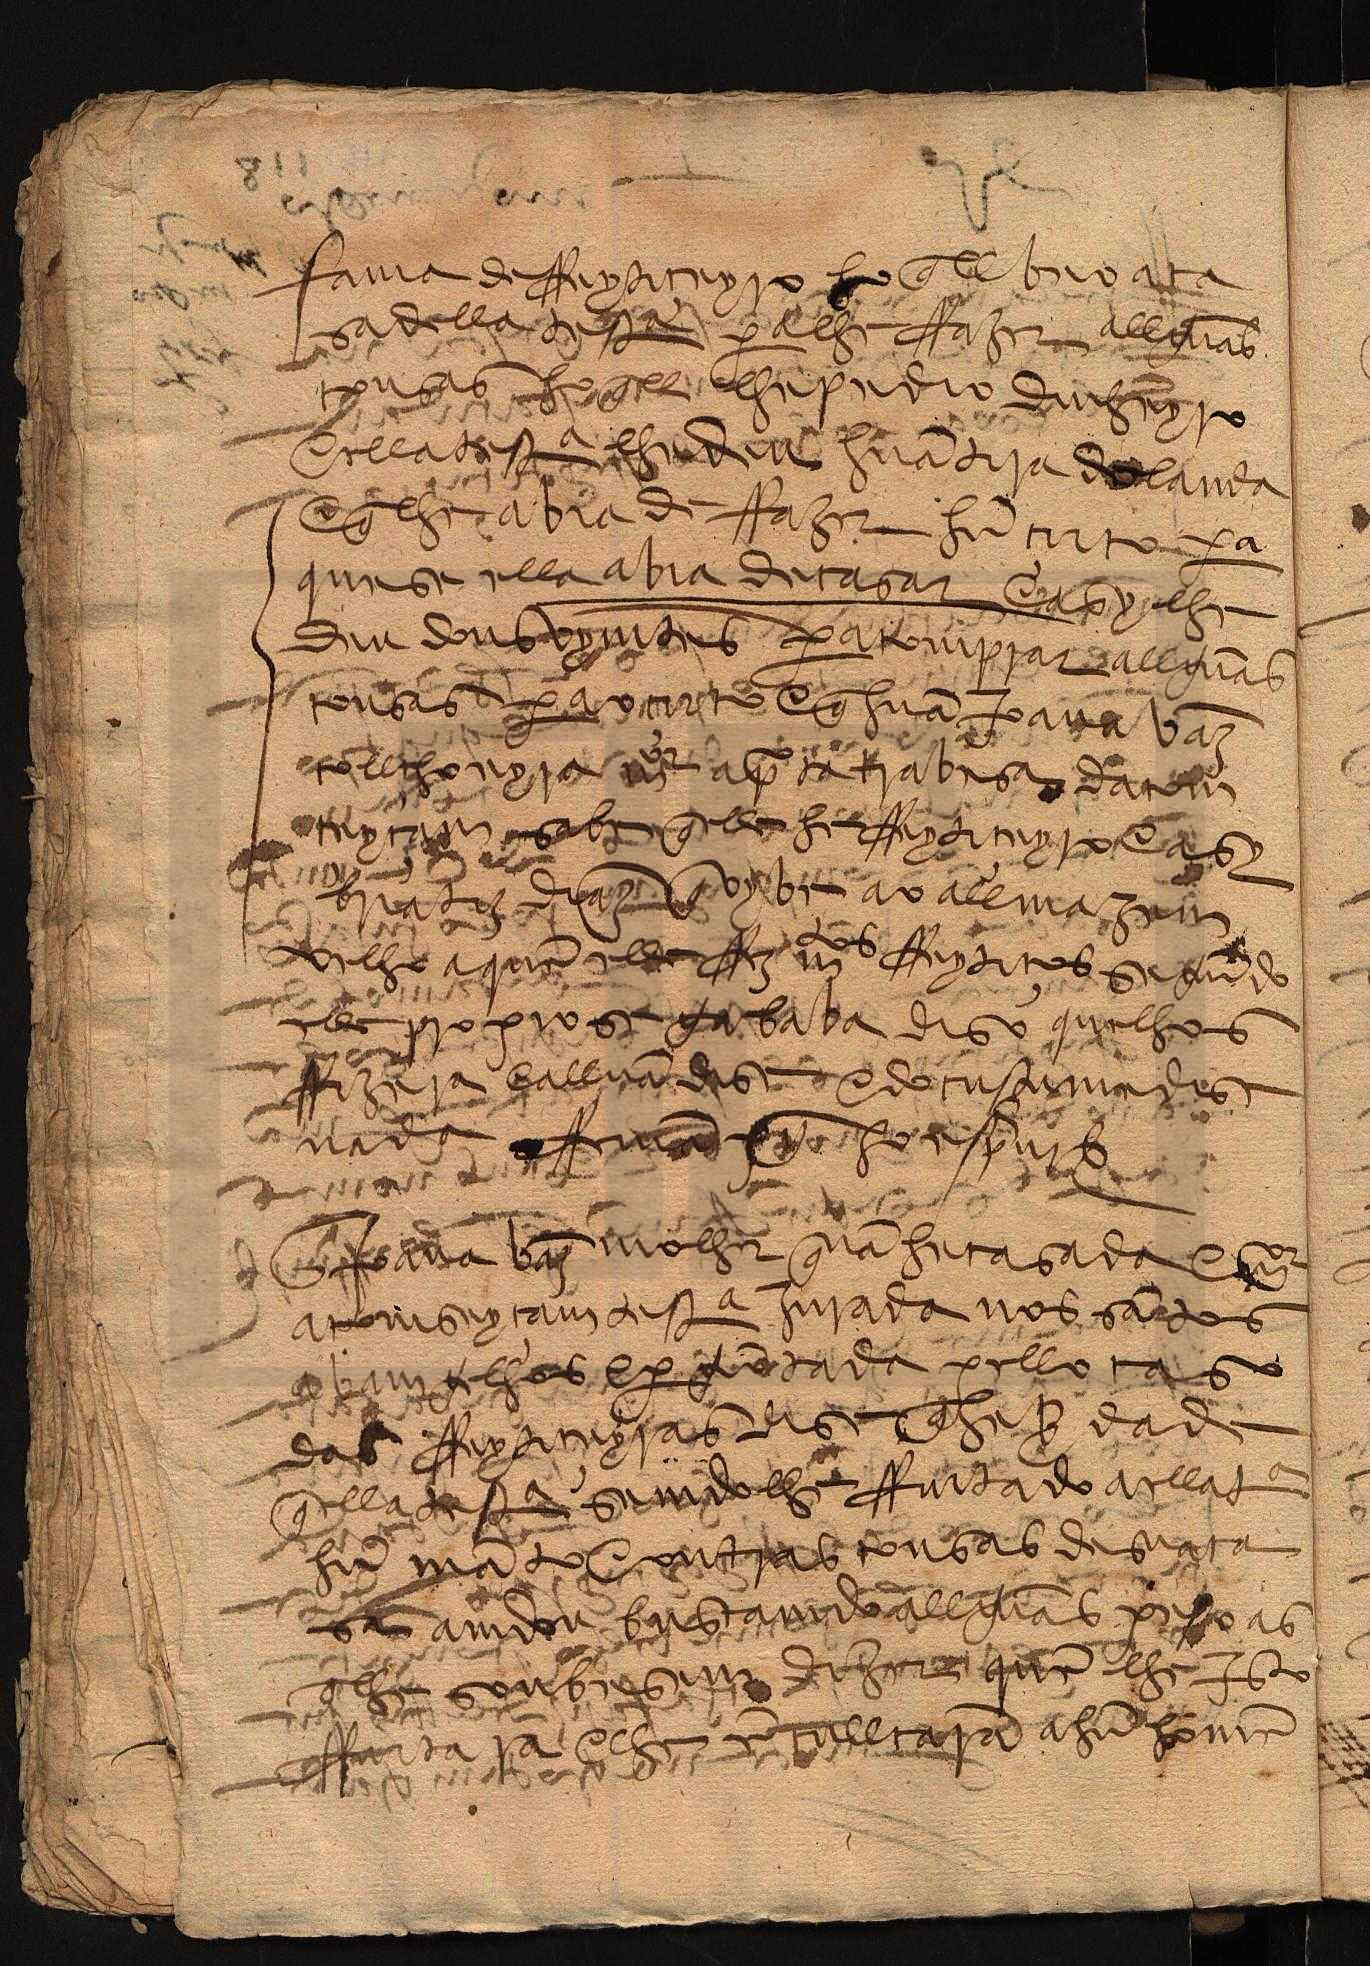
fama de ffeyticeyro ho q̄ll veo a ca
sa della testa ꝑa lhe ffazer allgūas
cousas o q̄ll lhe pedio dinheyro
e ella testa lhe deu huā tira de olanda
e q̄ lhe avia de ffazer hū circo ꝑa
que se ella avia de casar e asy lhe
deu dous vymtes ꝑa comprar allgūas
cousas ꝑa o circo e q̄ huā Joana vāz
collchoeyra mor a p̄ota travesa da com
ceyçam sabe que elle he ffeyticeyro e asy
briatiz diaz q̄ vyve ao allmazem
velho a quē elle ffez mtos ffeytiços segūdo
elle propio se gabada diso que lhos
ffizera e all nā dise e do custume dise
nada ffernā p̄iz ho esp̄uj
item Joana vāz molher q̄ nā he casada e mor
a comseyçam testa Jurada nos sātos
avamgelhos e ꝑgūtada pello caso
das ffeyticeyras dise q̄ he ꝟdade
q̄ ella testa semdo lhe ffurtado a ella ta
hū māto e outras cousas de sua ca
sa amdou buscamdo allgūas pesoas
q̄ lhe soubesem dizer quē lhe Jsto
ffurtara e lhe ēcullcarā a hū homē
